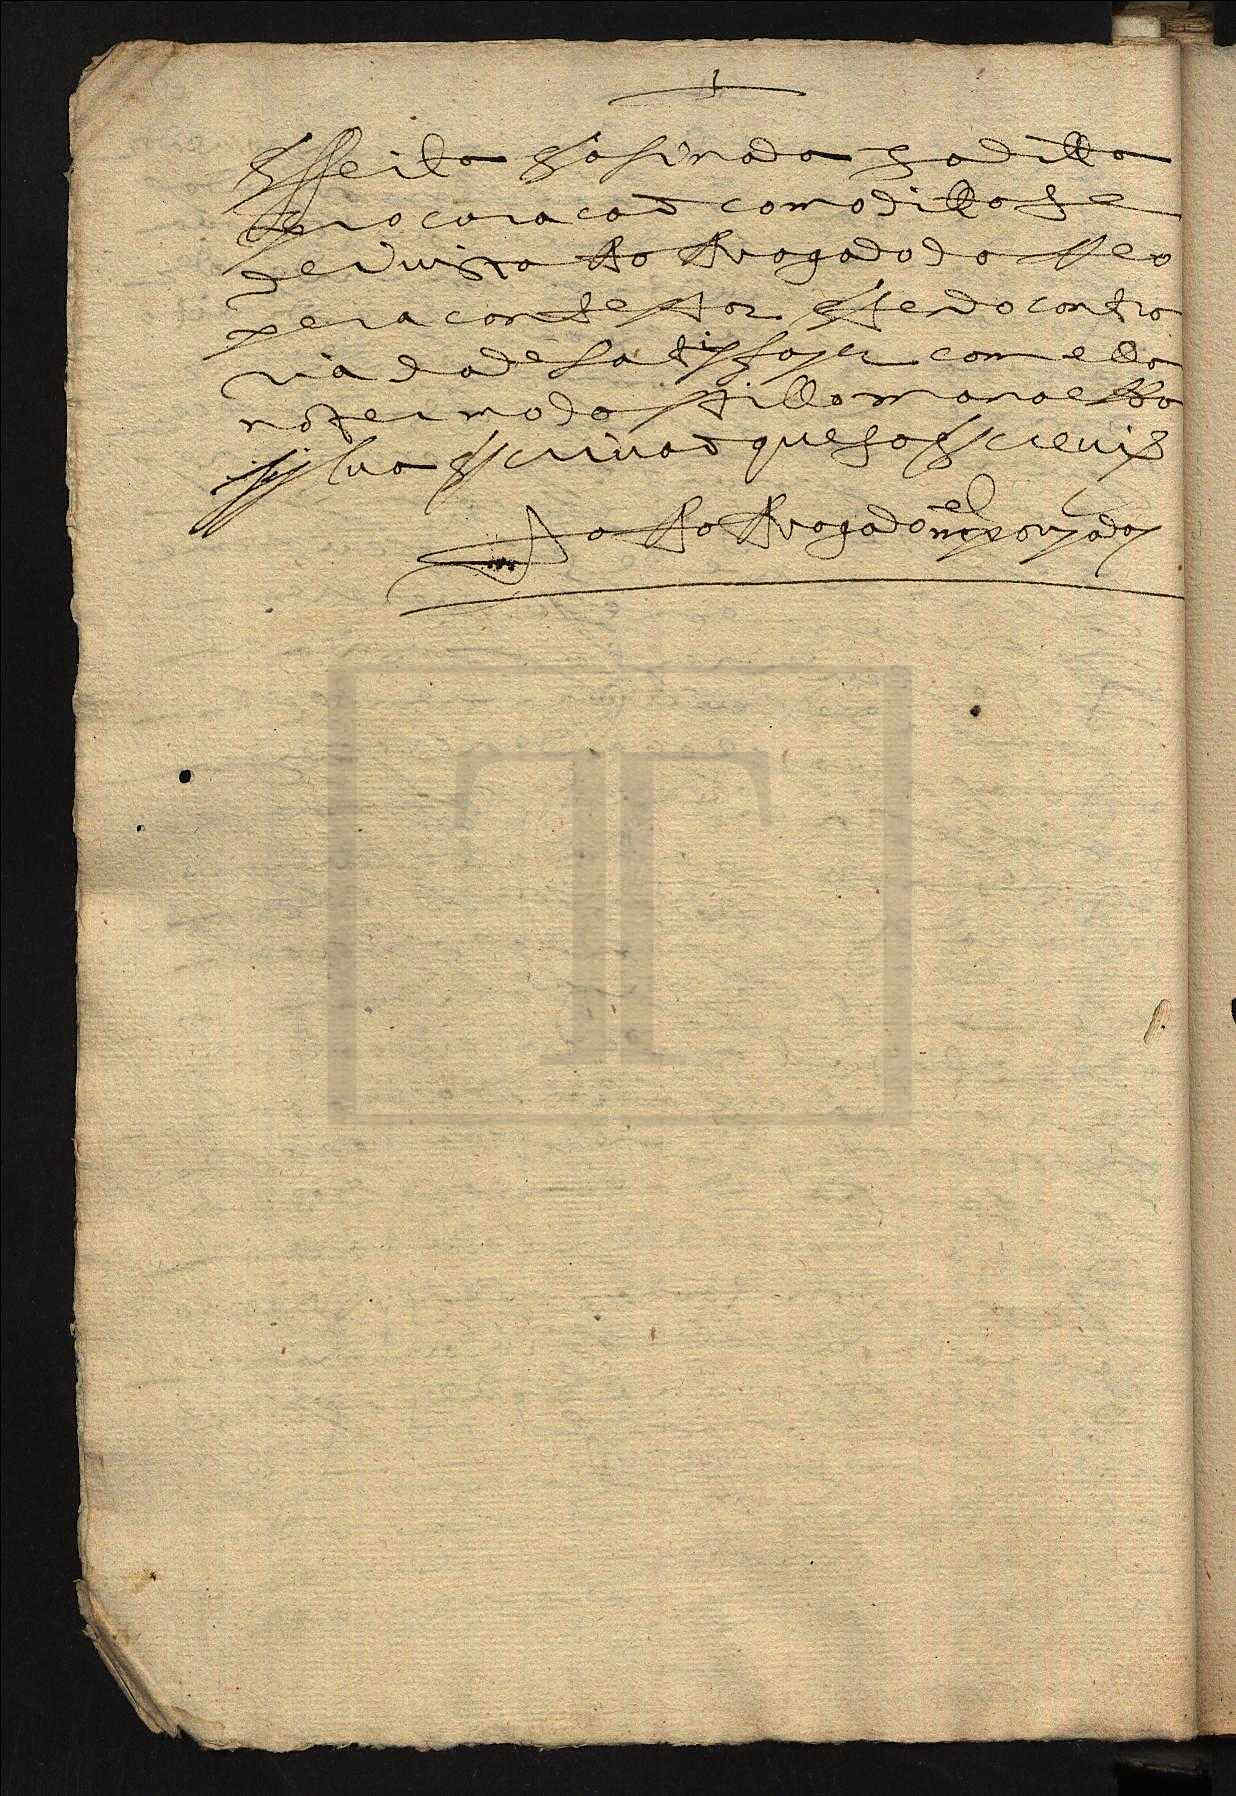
effeito e asinada ha ditta
procuracaõ como ditto he
deo uista ao avogado do Reo
pera contestar e tendo contra
riado de satisfazer com elle
no termo do stillo manoell da
Sjlva escriuaõ que ho escreui
Ao Avogado mel pouzados
